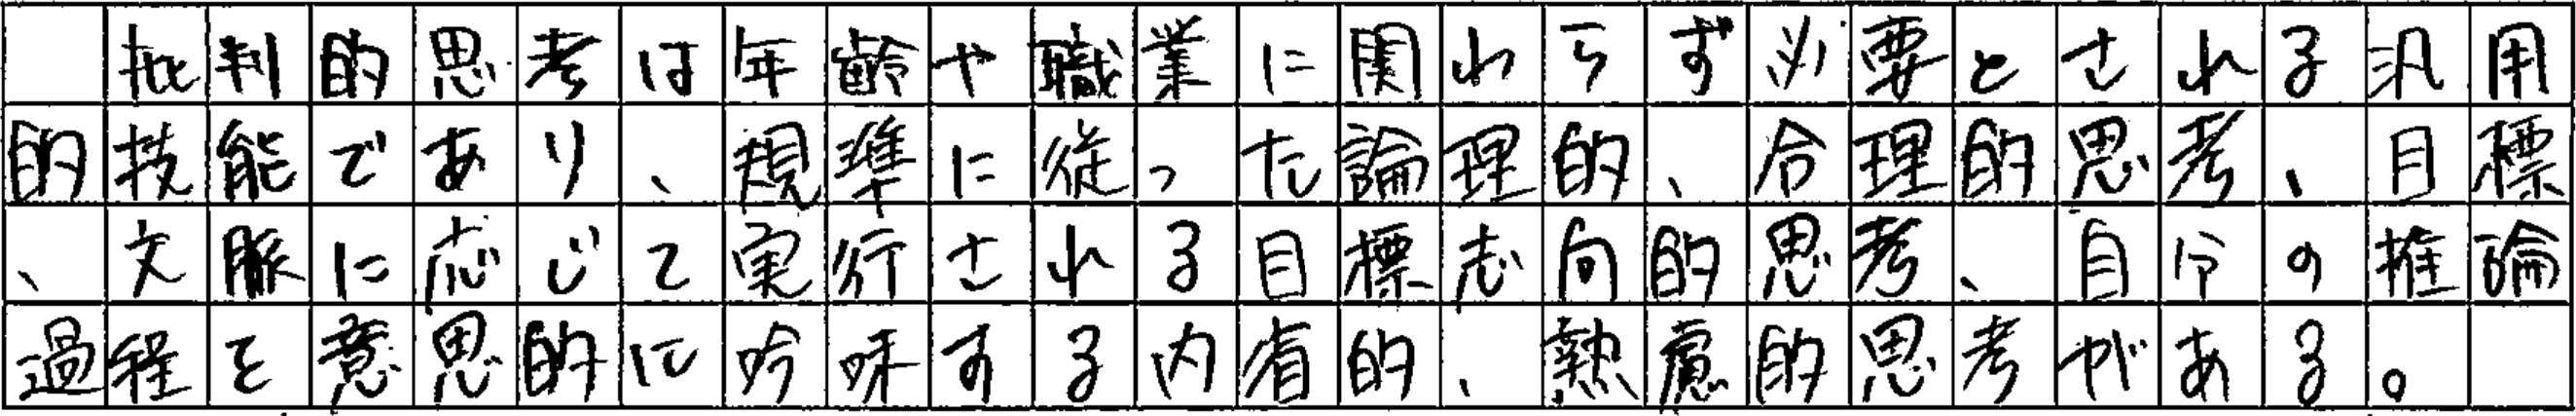　批判的思考は年齢や職業に関わらず必要とされる汎用的技能であり、規準に従った論理的、合理的思考、目標、文脈に応じて実行される目標志向的思考、自分の推論過程を意思的に吟味する内省的、熟慮的思考がある。
